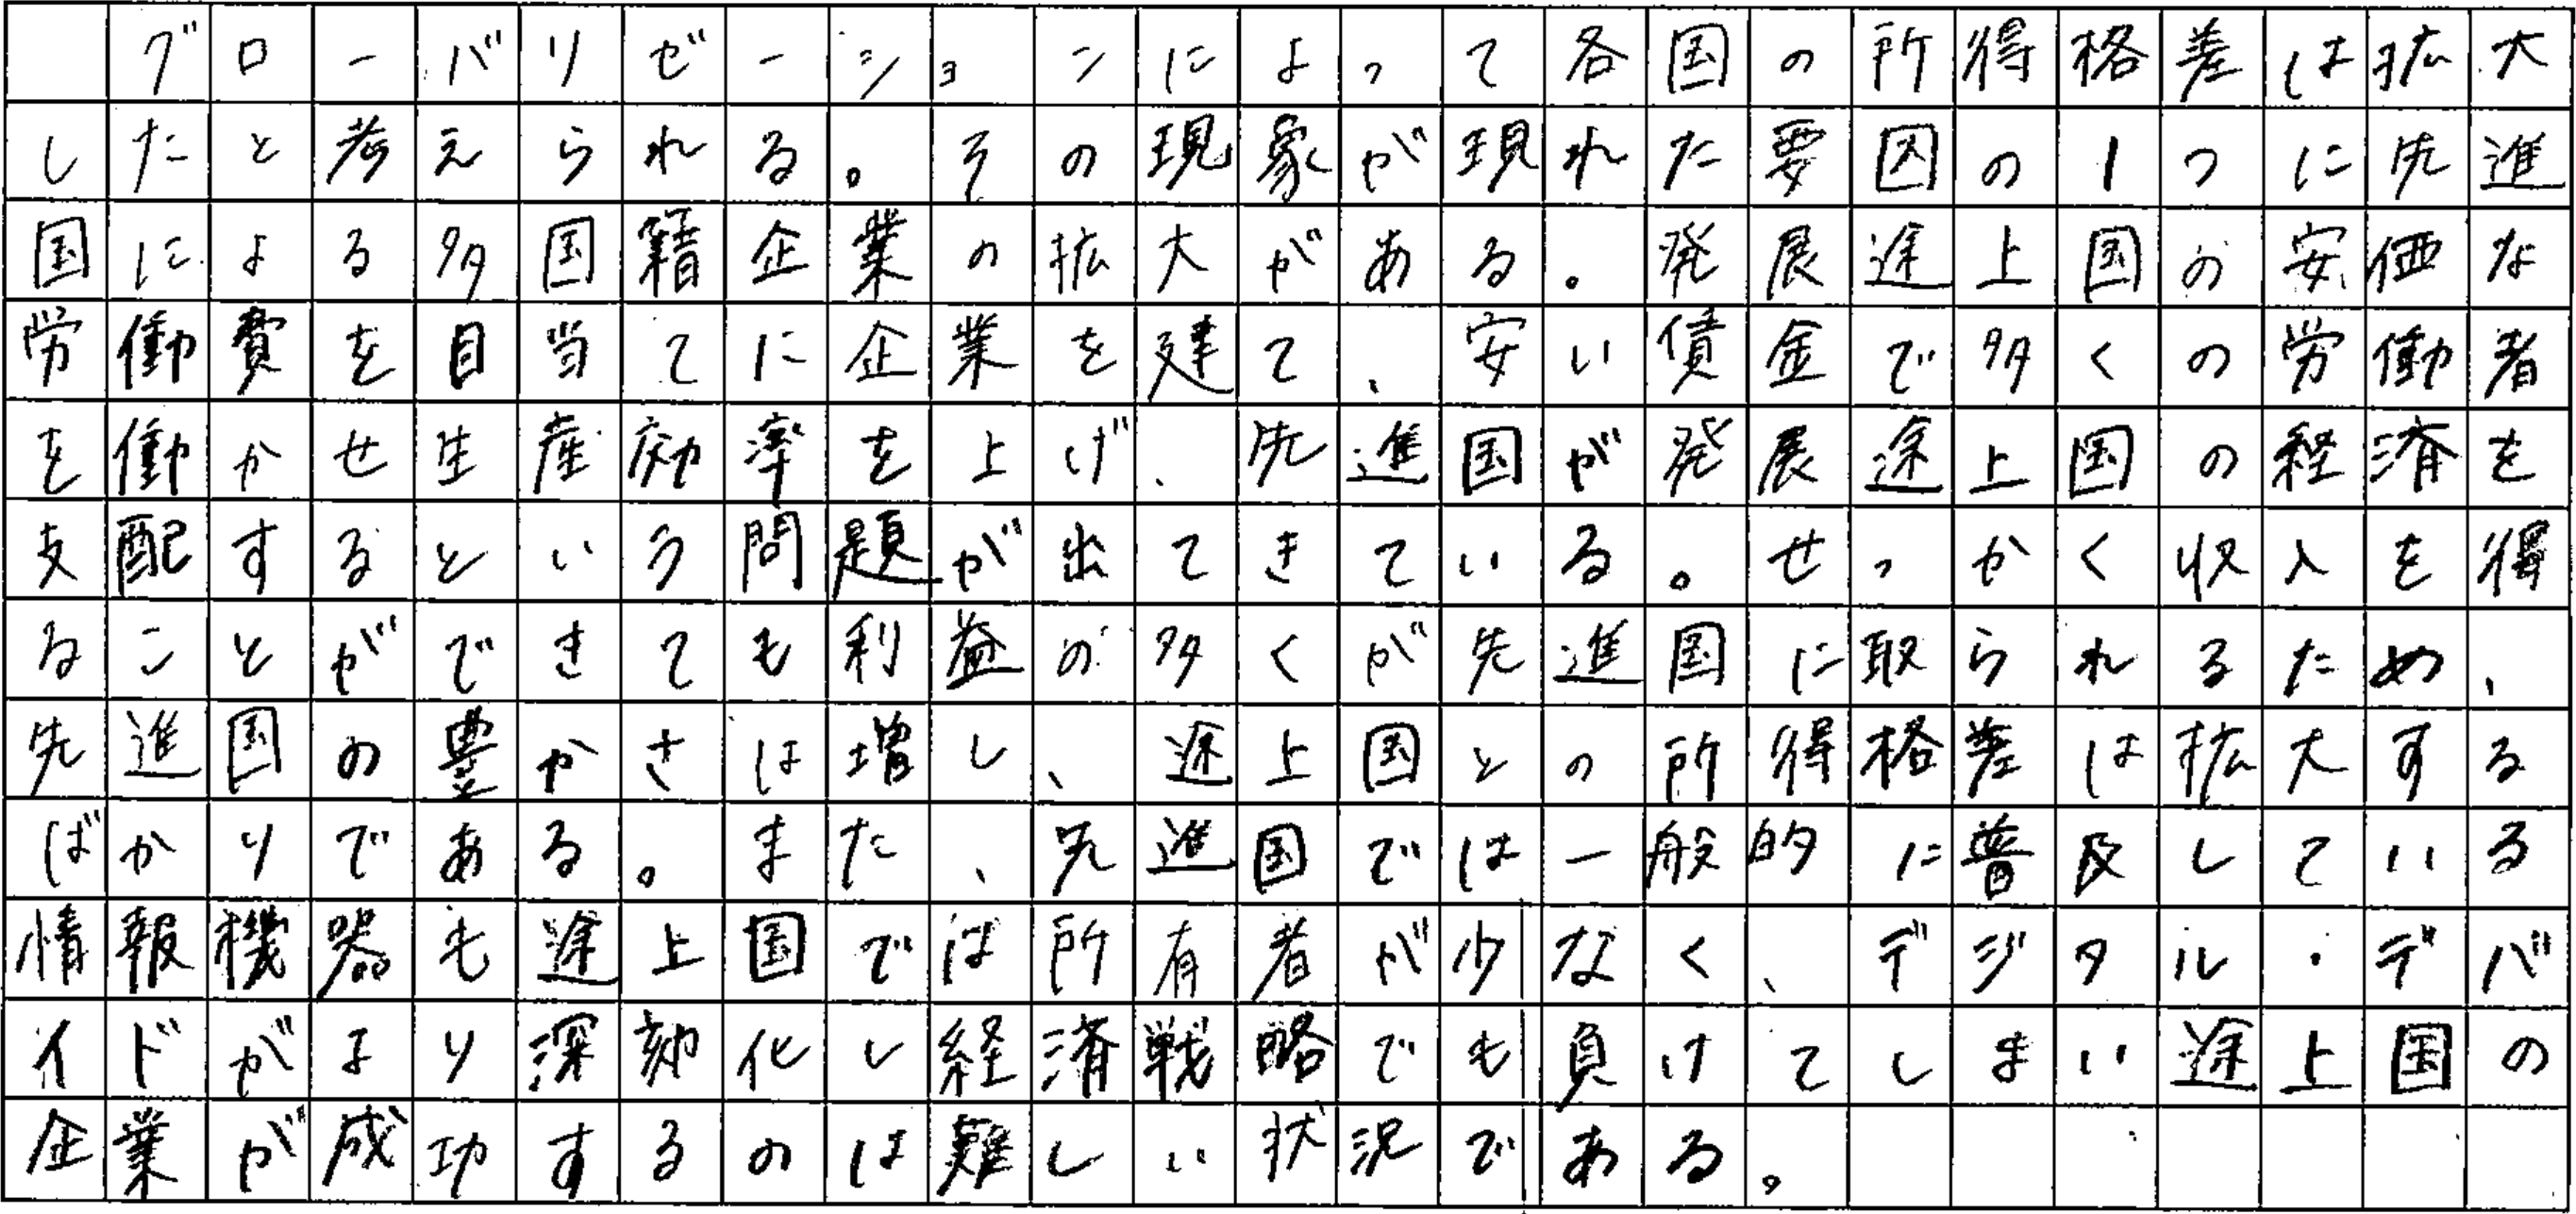　グローバリゼーションによって各国の所得格差は拡大したと考えられる。その現象が現れた要因の１つに先進国による多国籍企業の拡大がある。発展途上国の安価な労働費を目当てに企業を建て、安い賃金で多くの労働者を働かせ生産効率を上げ、先進国が発展途上国の経済を支配するという問題が出てきている。せっかく収入を得ることができても利益の多くが先進国に取られるため、先進国の豊かさは増し、途上国との所得格差は拡大するばかりである。また、先進国では一般的に普及している情報機器も途上国では所有者が少なく、デジタル・デバイドがより深劾化し経済戦略でも負けてしまい途上国の企業が成功するのは難しい状況である。
